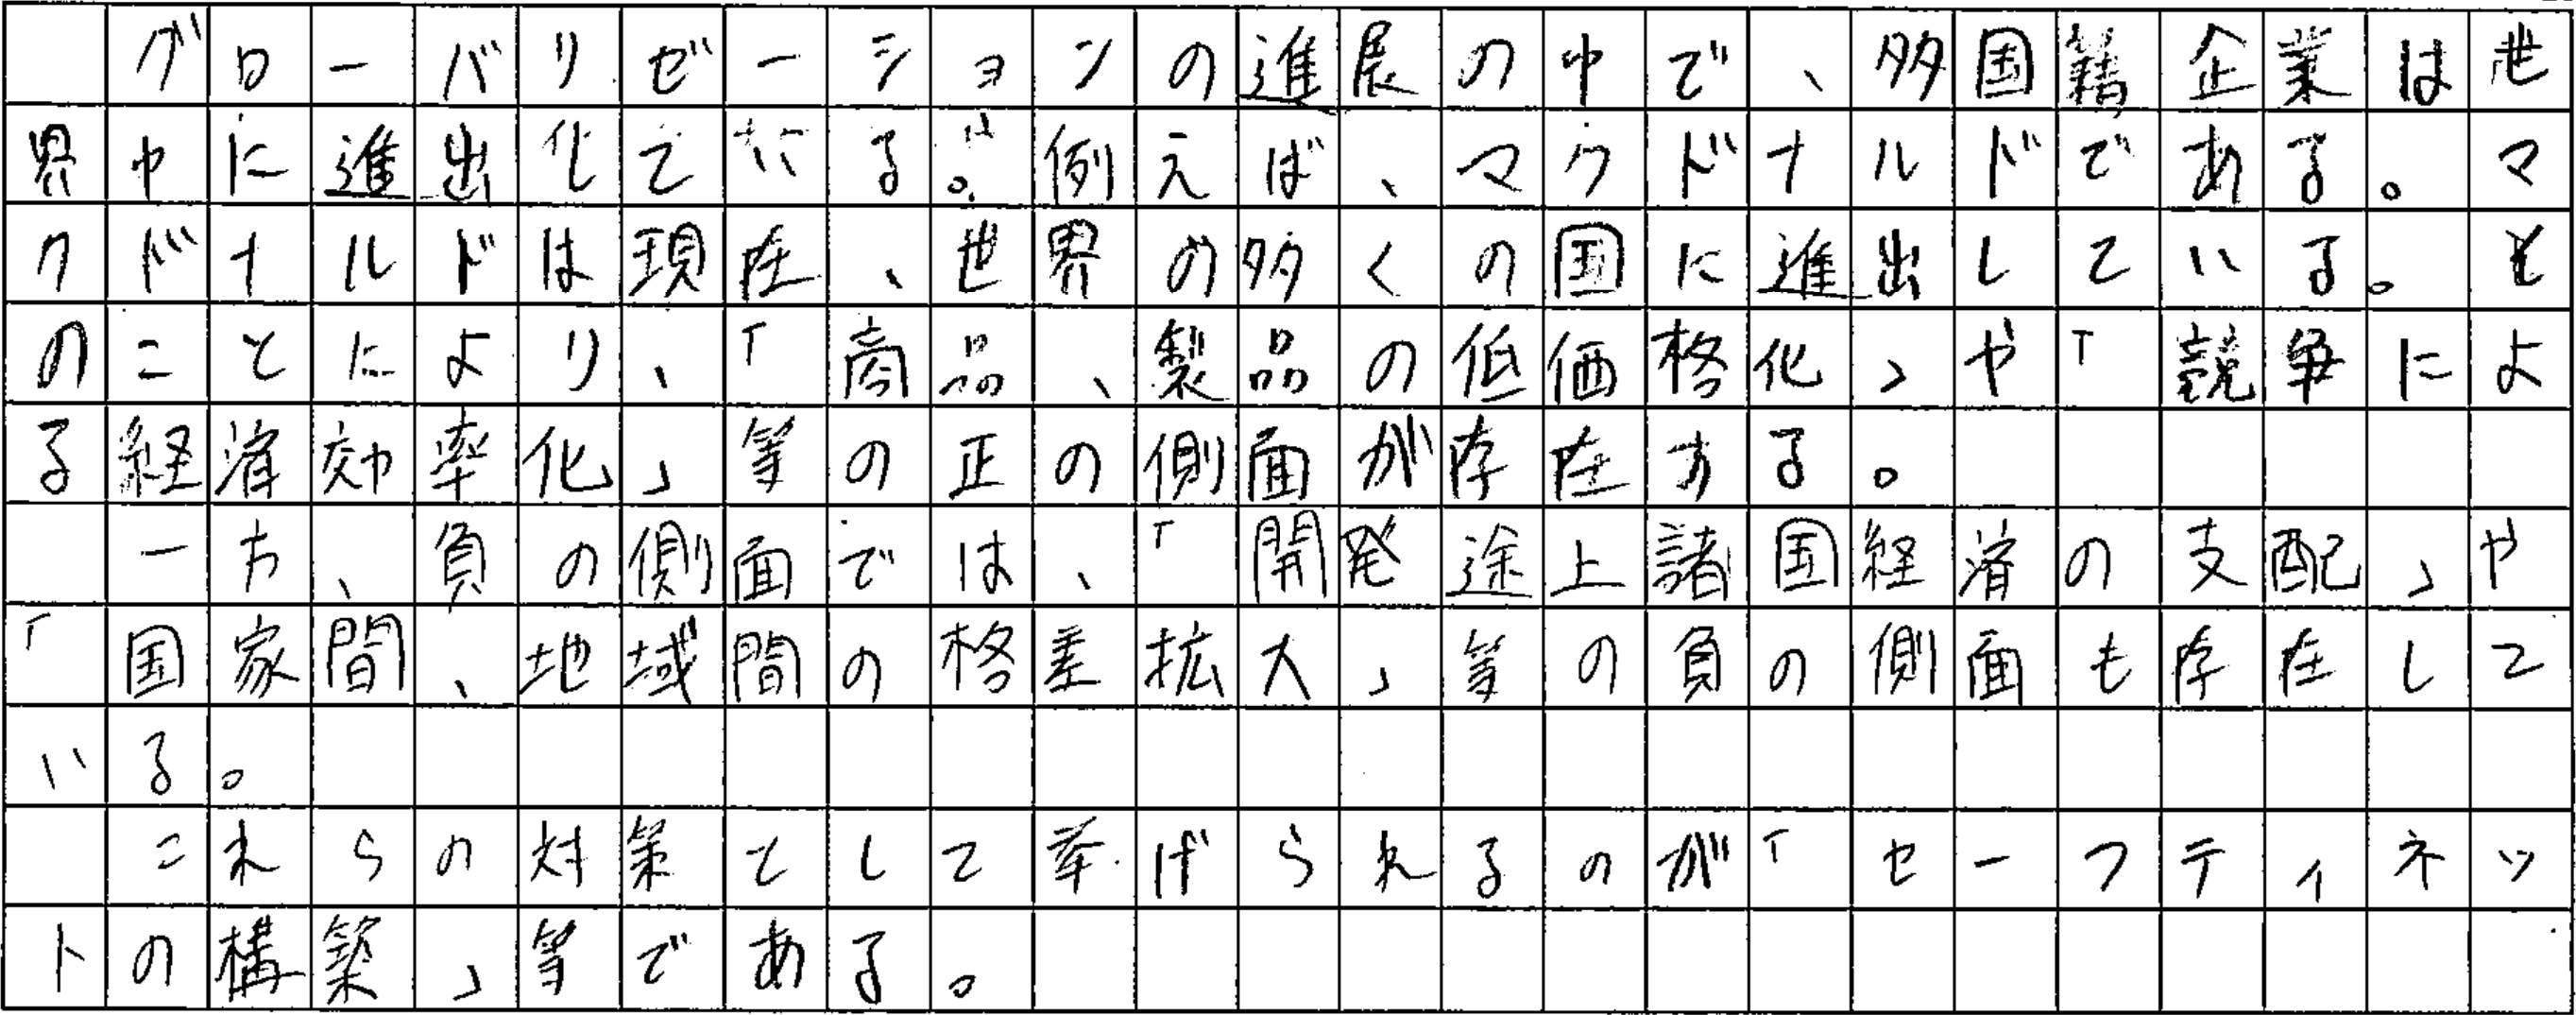　グローバリゼーションの進展の中で、多国籍企業は世界中に進出している。例えば、マクドナルドである。マクドナルドは現在、世界の多くの国に進出している。そのことにより、「商品、製品の低価格化」や「競争による経済効率化」等の正の側面が存在する。
　一方、負の側面では、「開発途上諸国経済の支配」や「国家間、地域間の格差拡大」等の負の側面も存在している。
　これらの対策として挙げられるのが「セーフティネットの構築」等である。
